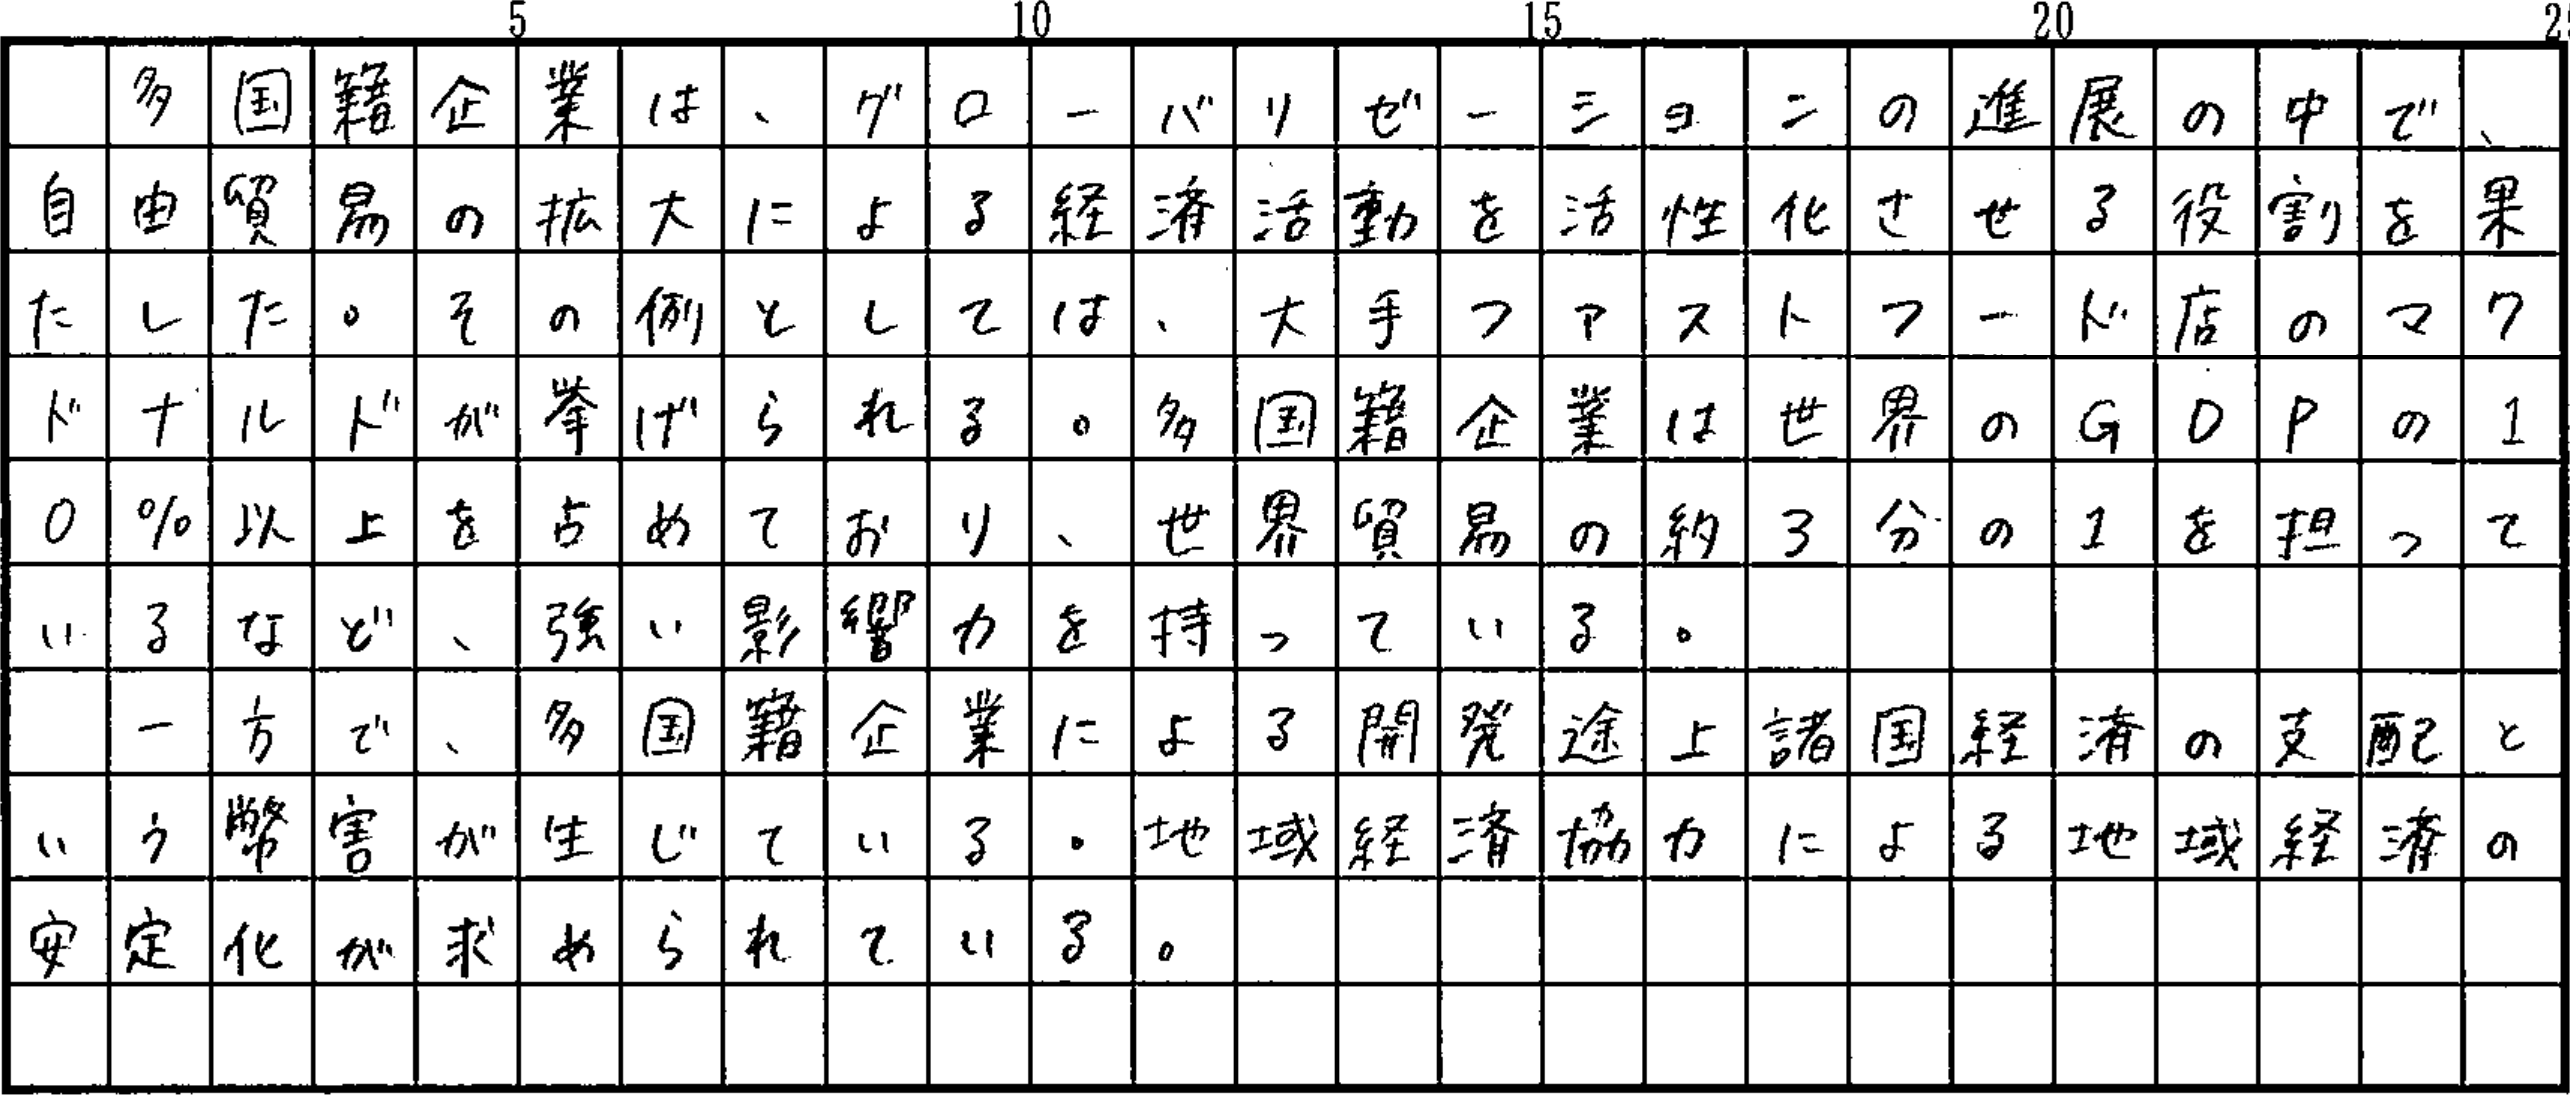　多国籍企業は、グローバリゼーションの進展の中で、自由貿易の拡大による経済活動を活性化させる役割を果たした。その例としては、大手ファストフード店のマクドナルドが挙げられる。多国籍企業は世界のＧＤＰの１０％以上を占めており、世界貿易の約３分１を担っているなど、強い影響力を持っている。
　一方で、多国籍企業による開発途上国経済の支配という弊害が生じている。地域経済協力による地域経済の安定化が求められている。
